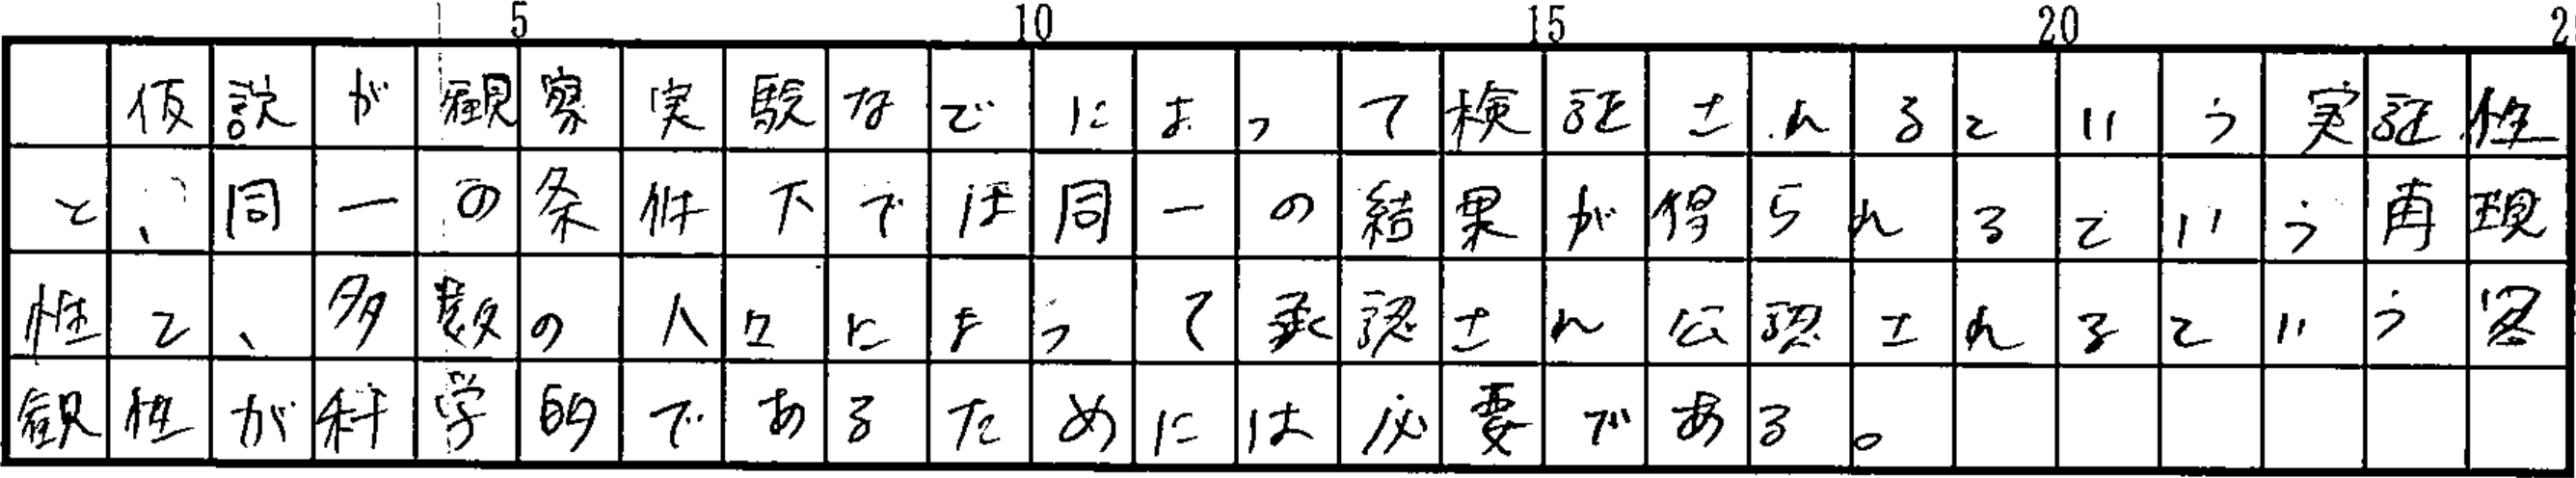　仮説が観察実験などによって検証されるという実証性と、同一の条件下では同一の結果が得られるという再現性と、多数の人々によって承認され公認されるという客観性が科学的であるためには必要である。
